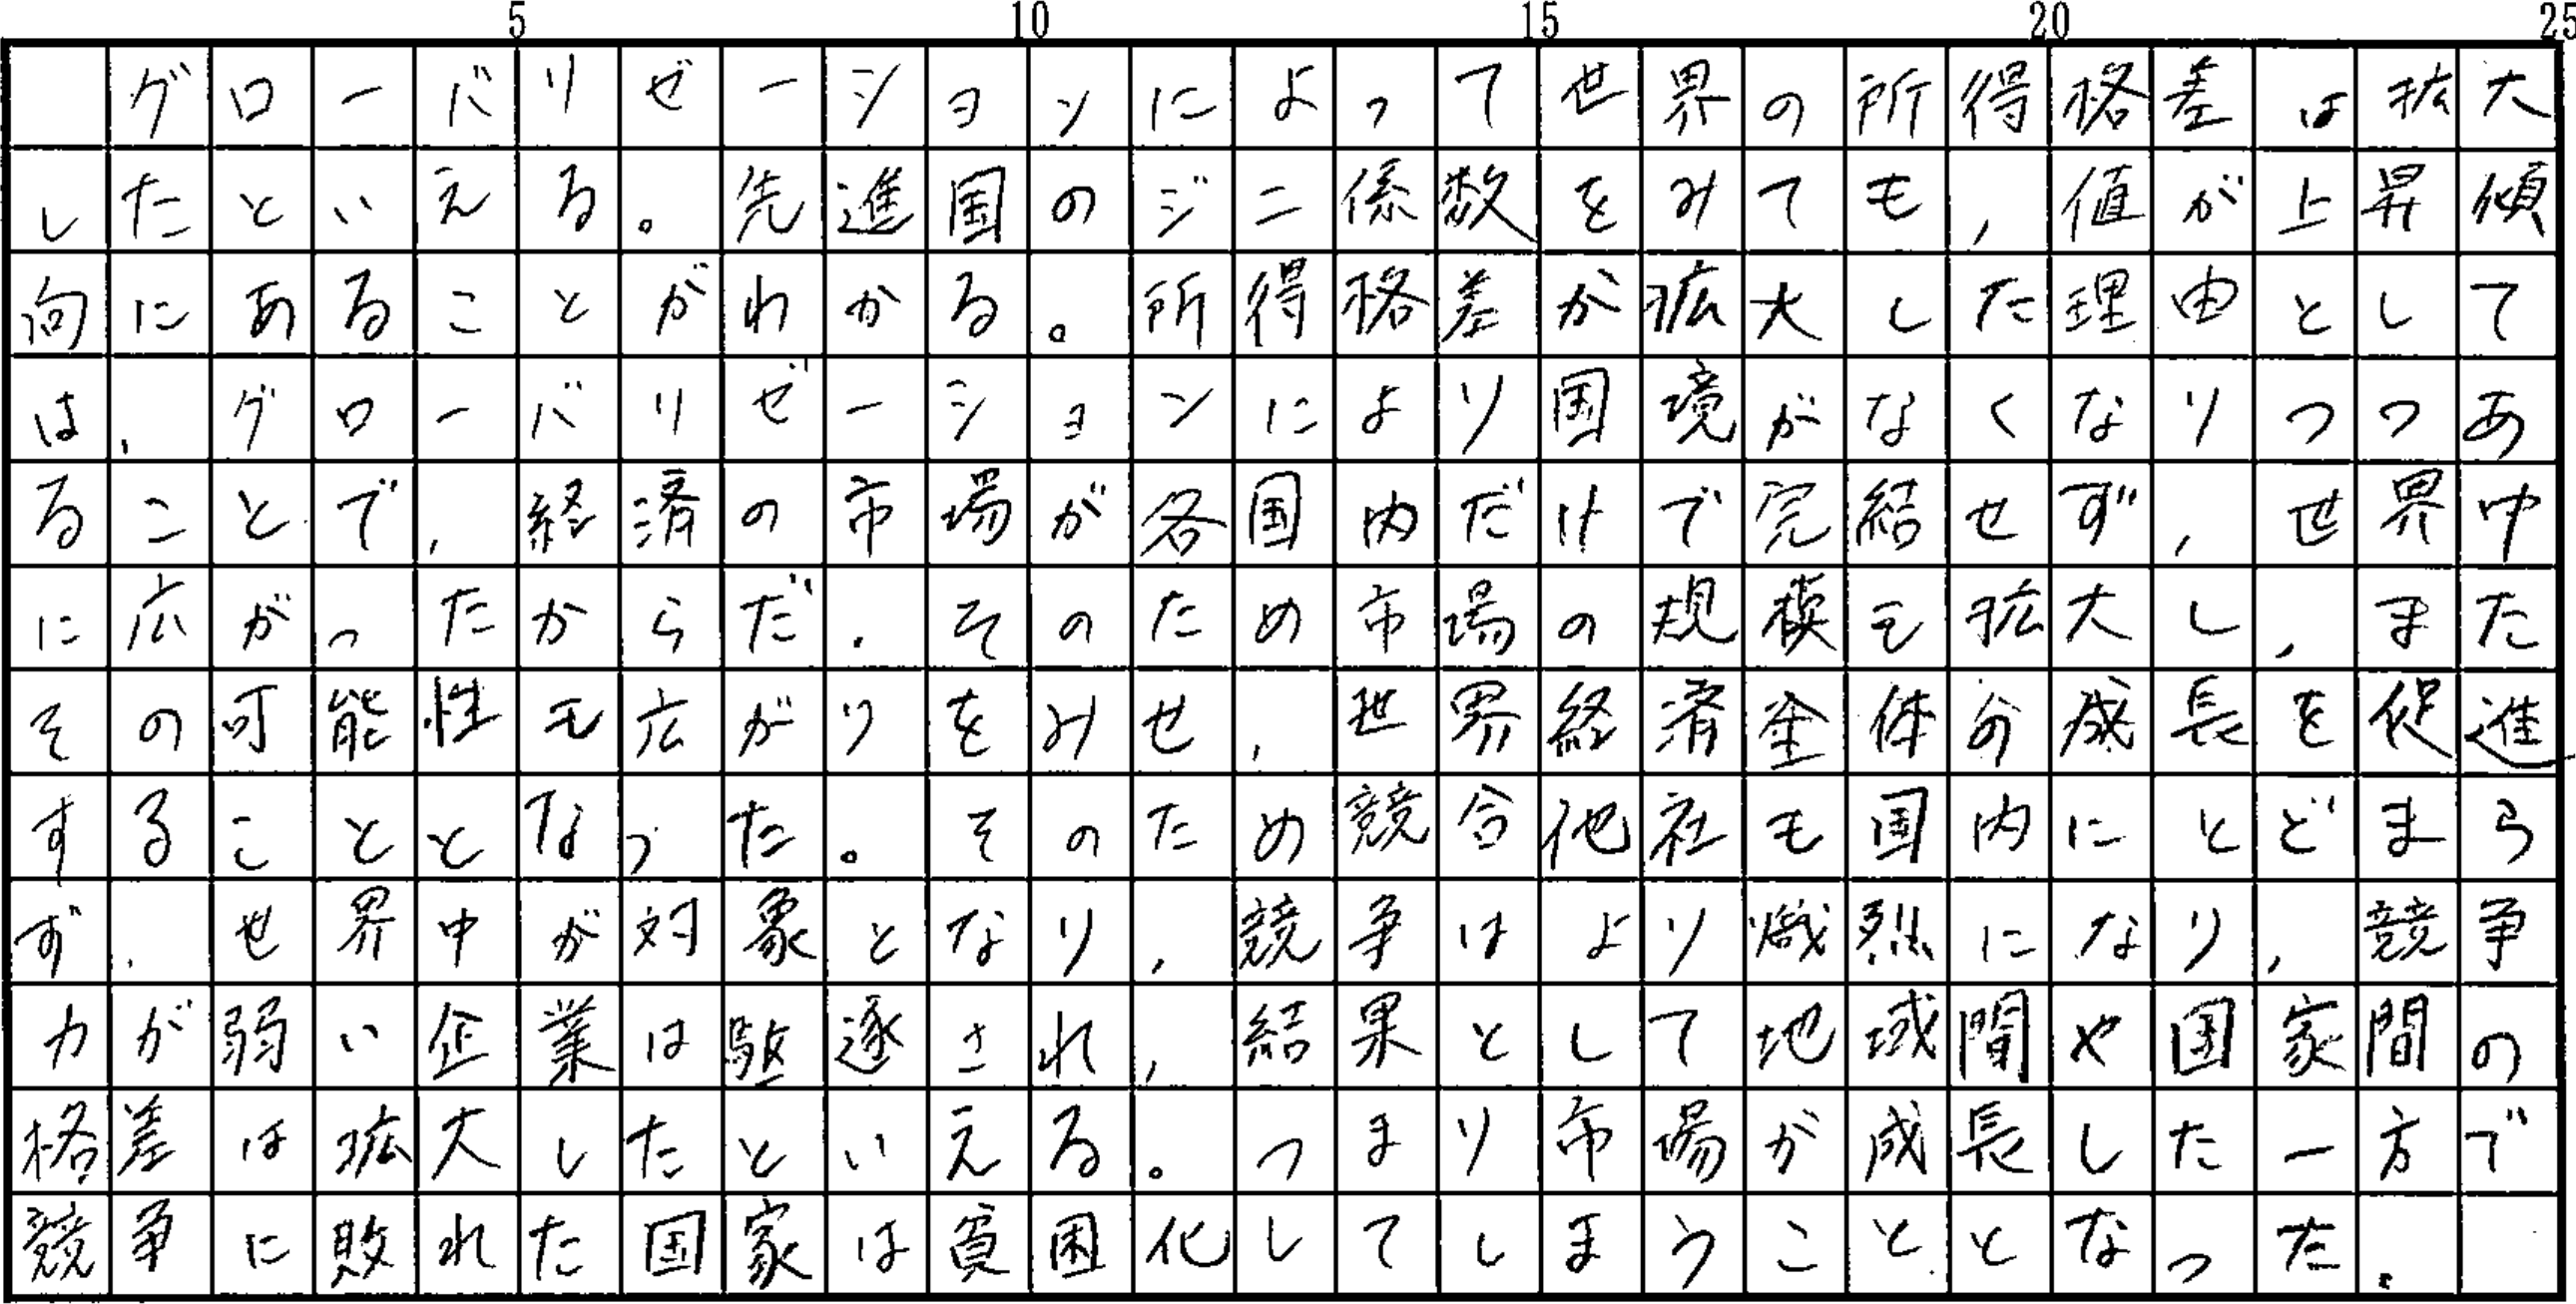　グローバリゼーションによって世界の所得格差は拡大したといえる。先進国のジニ係数をみても、値が上昇傾向にあることがわかる。所得格差が拡大した理由としては、グローバリゼーションにより国境がなくなりつつあることで、経済の市場が各国内だけで完結せず、世界中に広がったからだ。そのため市場の規模も拡大し、またその可能性も広がりをみせ、世界経済全体の成長を促進することとなった。そのため競合他社も国内にとどまらず、世界中が対象となり、競争はより熾烈になり、競争力が弱い企業は駆逐され、結果として地域間や国家間の格差は拡大したといえる。つまり市場が成長した一方で競争に敗れた国家は貧困化してしまうこととなった。
